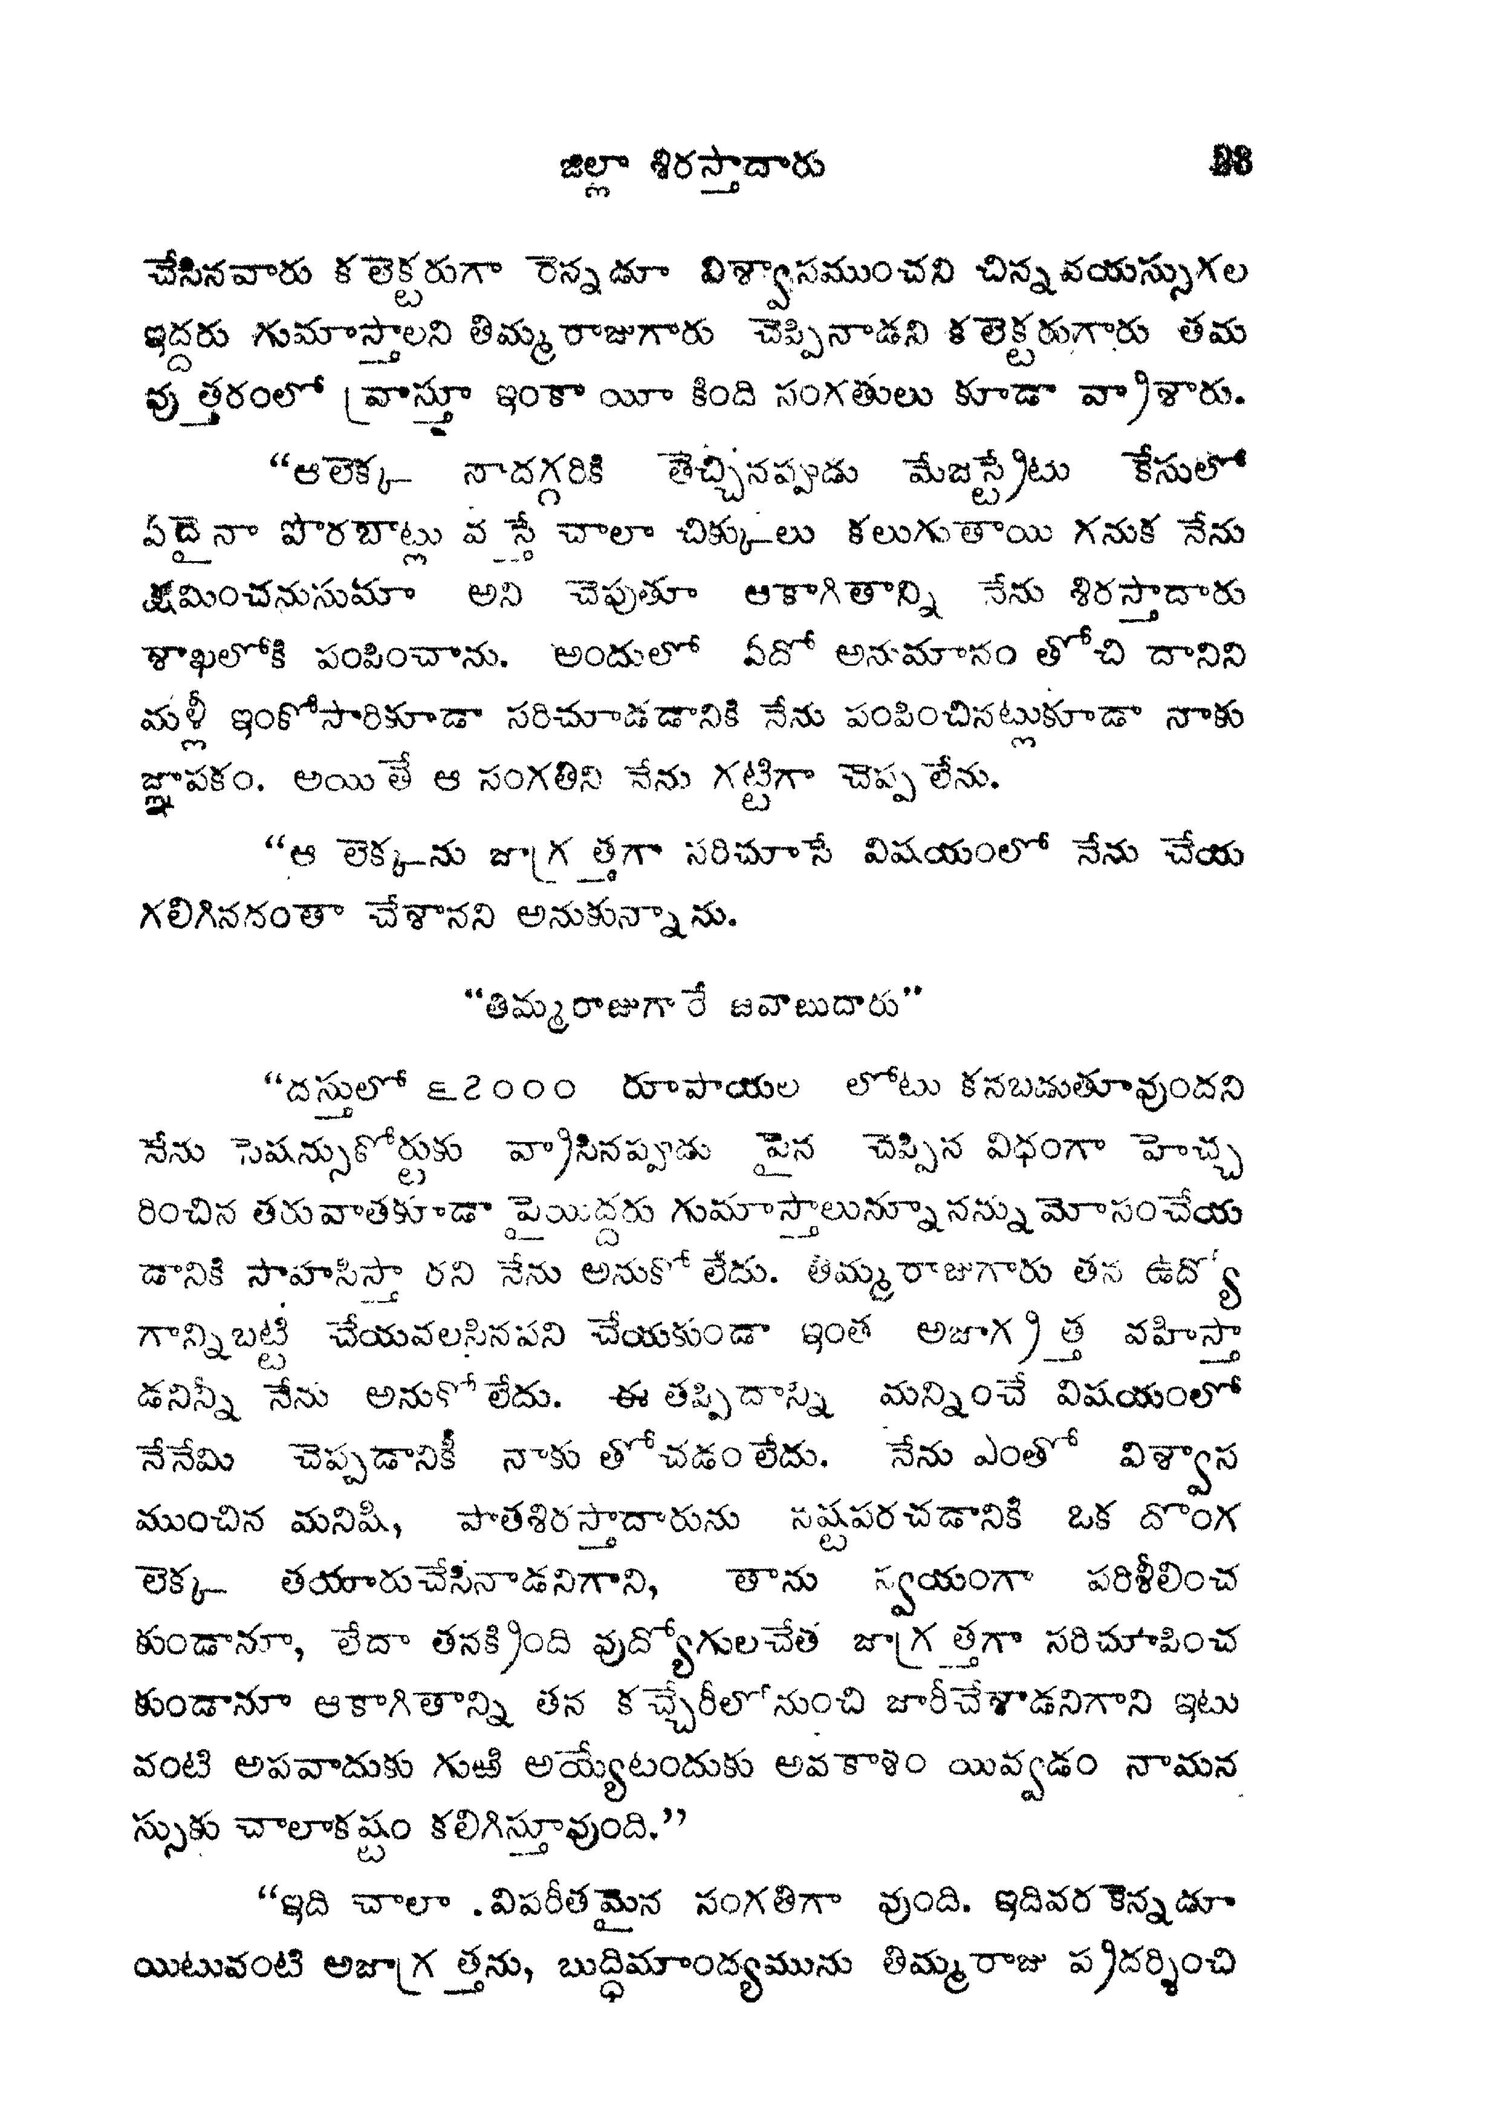చేసినవారు కలెక్టరుగా రెన్నడూ విశ్వాసముంచని చిన్నవయస్సుగల ఇద్దరు గుమాస్తాలని తిమ్మరాజుగారు చెప్పినాడని కలెక్టరుగారు తమ వుత్తరంలో వ్రాస్తూ ఇంకా యీకింది సంగతులు కూడా వ్రాశారు.

"ఆలెక్క నాదగ్గరికి తెచ్చినప్పుడు మేజస్ట్రీటు కేసులో ఏదైనా పొరబాట్లు వస్తే చాలా చిక్కులు కలుగుతాయి గనుక నేను క్షమించను సుమా అని చెపుతూ ఆకాగితాన్నినేను శిరస్తాదారు శాఖలోకి పంపించాను. అందులో ఏదో అనుమానం తోచి దానిని మళ్లీ ఇంకోసారికూడా సరిచూడడానికి నేను పంపించినట్లుగా నాకు జ్ఞాపకం. అయితే ఆ సంగతిని నేను గట్టిగా చెప్పలేను .

"ఆలెక్కను జాగ్రత్తగా సరిచూసే విషయంలో నేను చేయగలిగినదంతా చేశానని అనుకున్నాను.

 
"దస్తులో 67000 రూపాయల లోటు కనబడుతూవుందని నేను సెషన్సు కోర్టుకు వ్రాసినప్పుడు పైన చెప్పిన విధంగా హెచ్చరించిన తరువాతకూడా పైయిద్దరు గుమాస్తాలున్నూనన్ను మోసంచేయడానికి సాహసిస్తారని నేను అనుకోలేదు. తిమ్మరాజుగారు తన ఉద్యోగాన్నిబట్టి చేయవలసినపని చేయకుండా ఇంత అజాగ్రత్త వహిస్తాడనిన్నీ నేను అనుకోలేదు. ఈ తప్పిదాన్ని మన్నించే విషయంలో నేనేమి చెప్పడానికి నాకు తోచడంలేదు. నేను ఎంతో విశ్వాసముంచిన మనిషి, పాతశిరస్తాదారును నష్టపరచడానికి ఒక దొంగ లెక్క తయారుచేసిన వాడనిగాని, తాను స్వయంగా పరిశీలించకుండానూ, లేదా తనక్రింది వుద్యోగులచేత జాగ్రత్తగా సరిచూపించకుండానూ ఆకాగితాన్ని తన కచ్చేరీలో నుంచి జారీచేశాడనిగాని ఇటువంటి అపవాదుకు గుఱిఅయ్యేటందుకు అవకాశం యివ్వడం నామనస్సుకు చాలాకష్టం కలిగిస్తూవుంది."

"ఇది చాలా విపరీతమైన సంగతిగా వుంది. ఇదివరకెన్నడూ యిటువంటి అజాగ్రత్తను, బుద్ధిమాంద్యమును తిమ్మరాజు ప్రదర్శించి